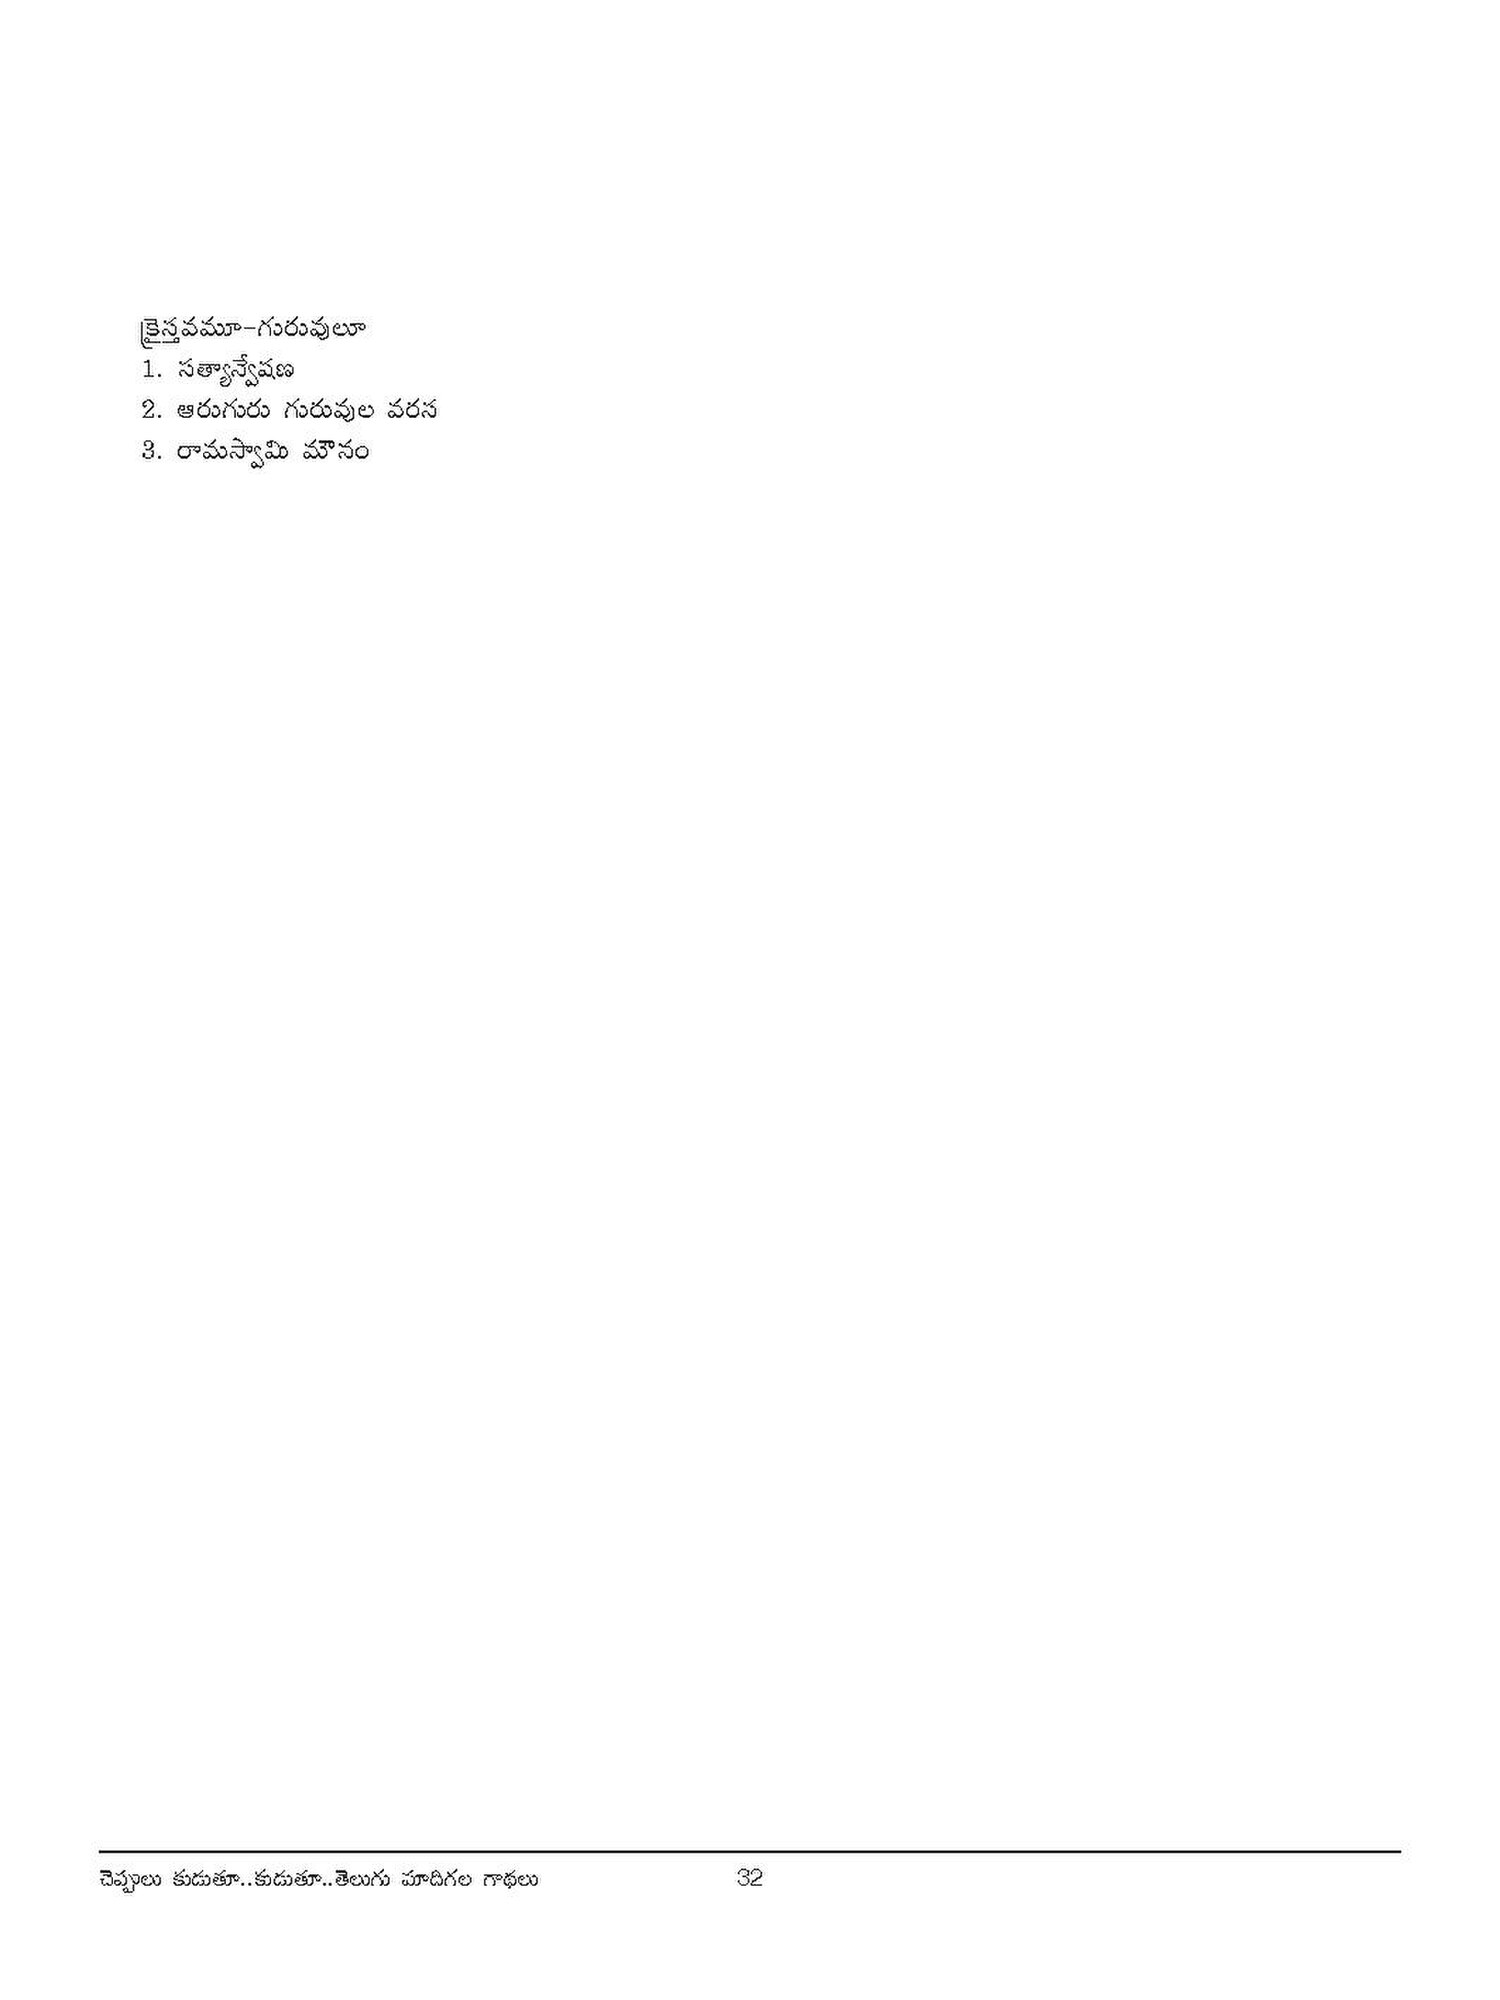క్రైస్తవమూ-గురువులూ
1. సత్యాన్వేషణ
2. ఆరుగురు గురువుల వరస
3. రామస్వామి మౌనం